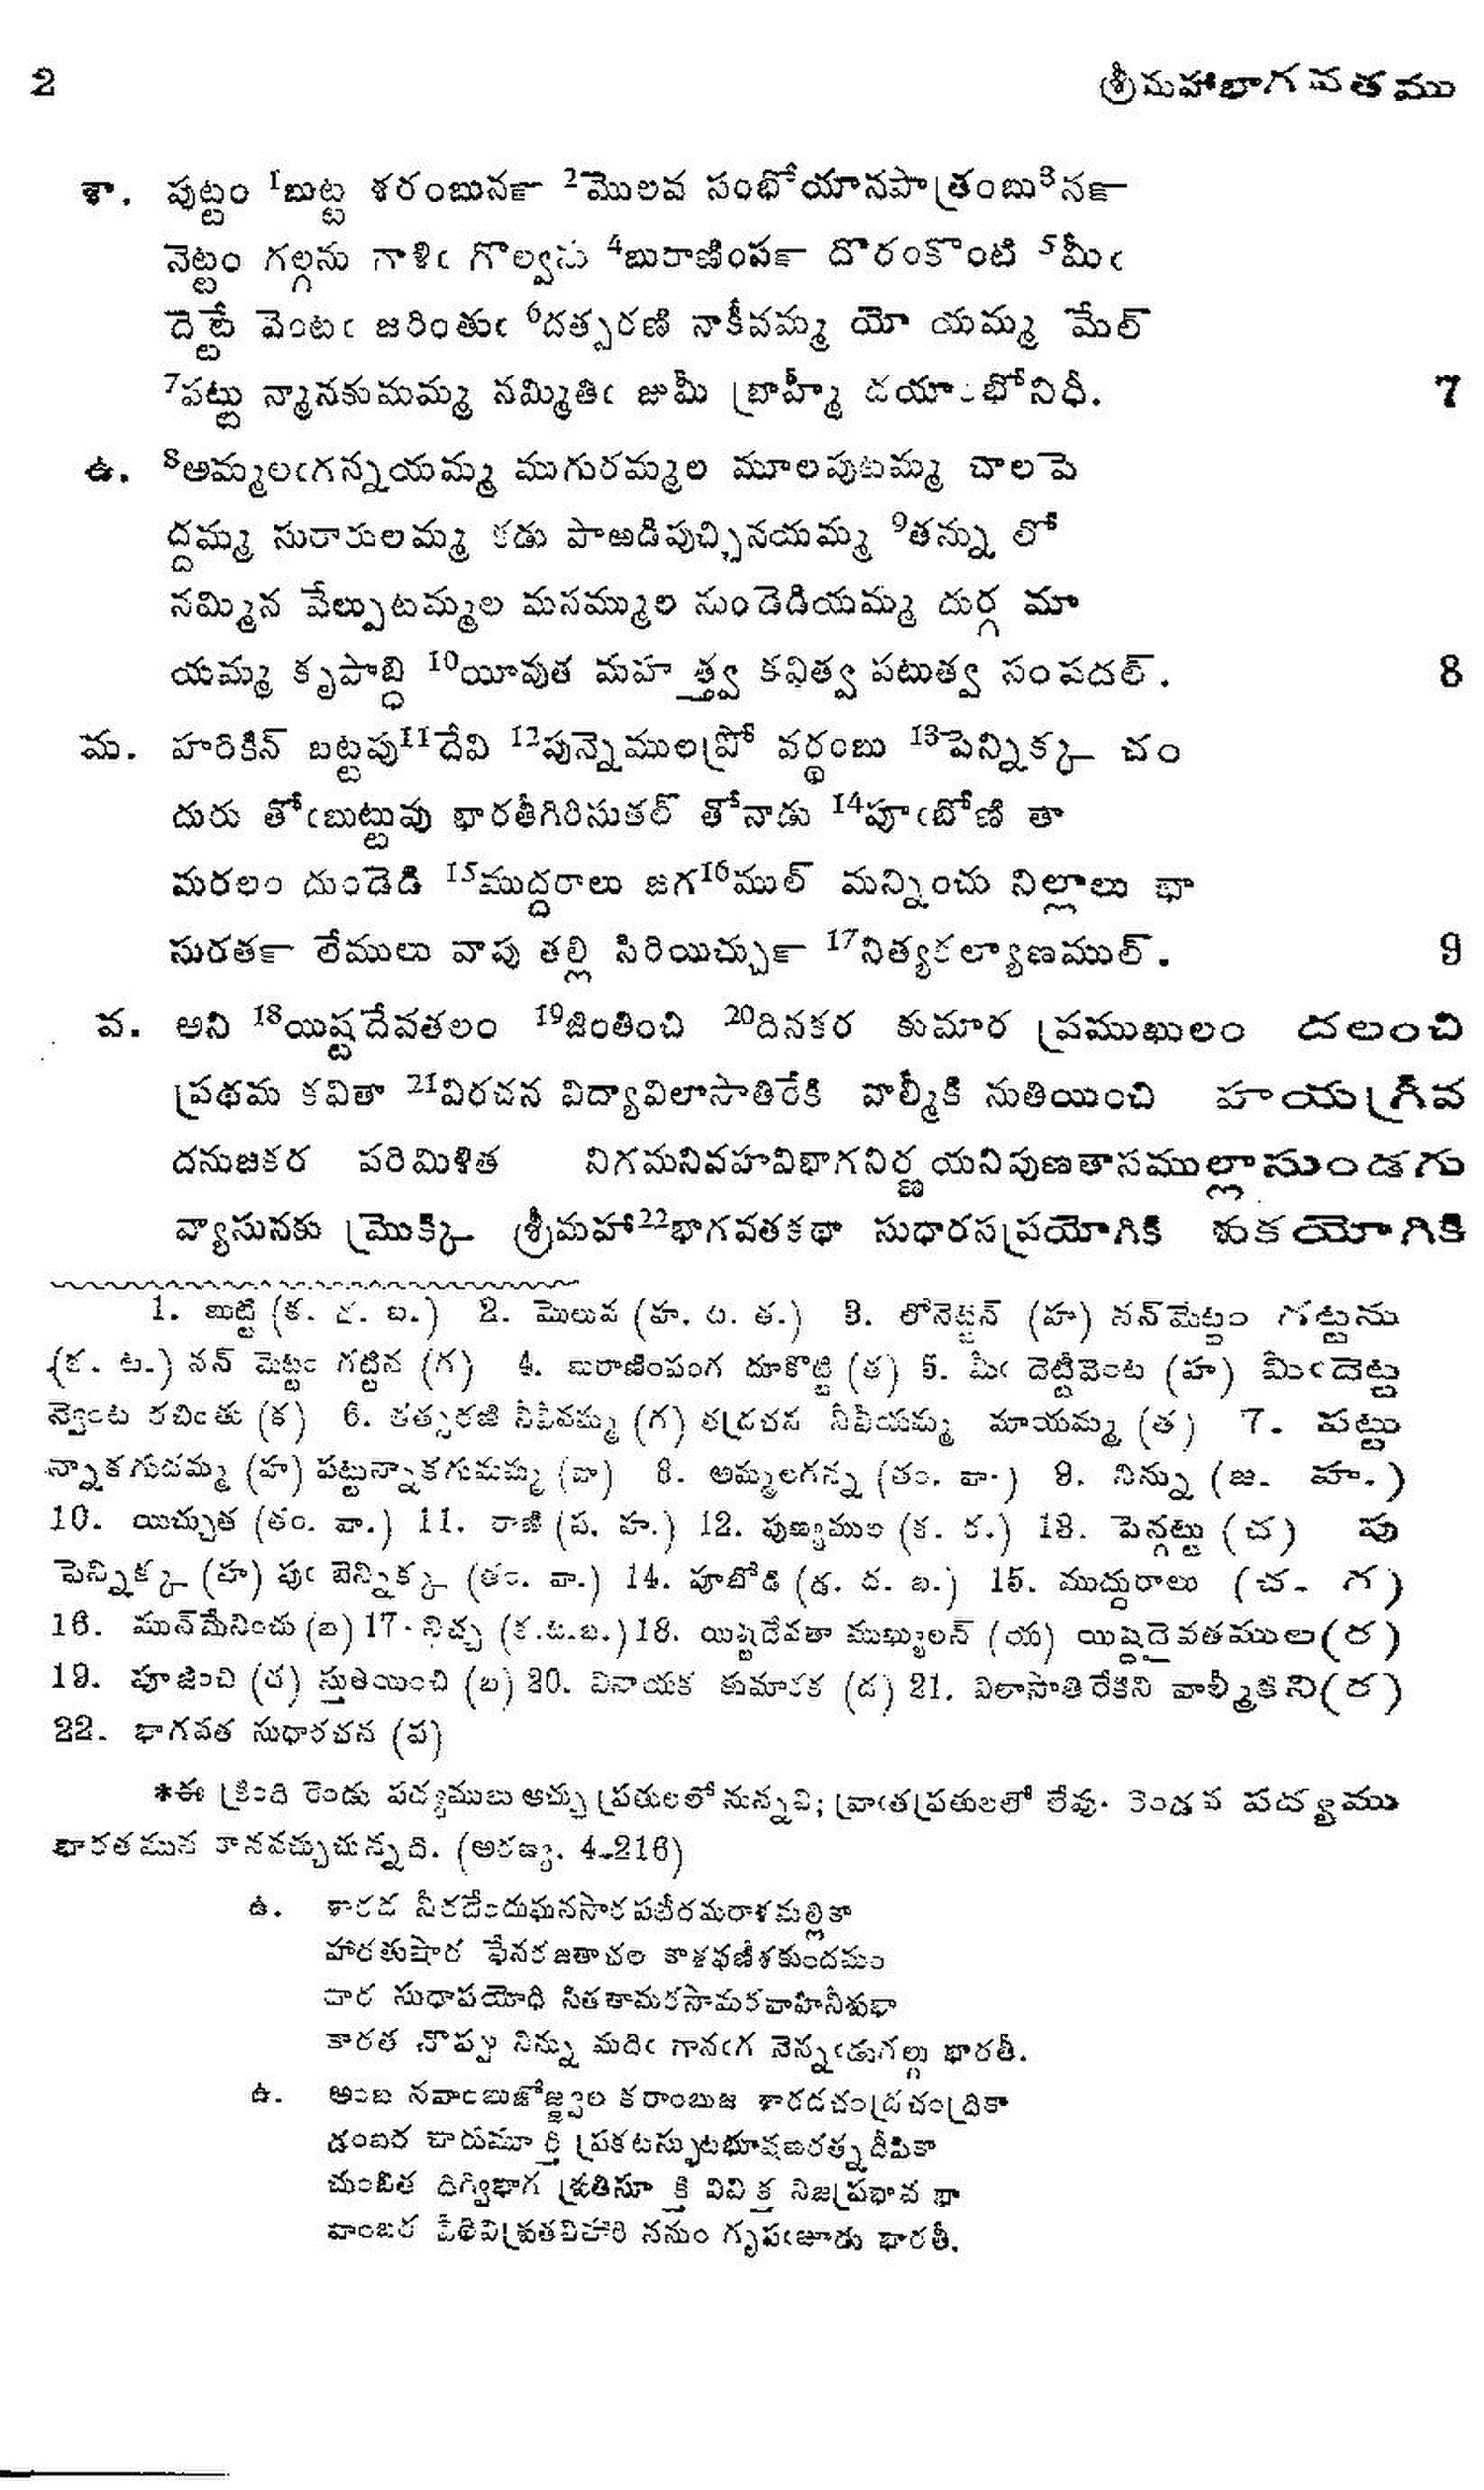2

శా. పుట్టంబుట్ట శరంబునన్ మొలవ నంభోయానపాత్రంబునన్

నెట్టం గల్గను గాళిఁ గొల్వను బురాణింపన్ దొరంకొంటి మీఁ

దెట్టే వెంటఁ జరింతుఁ దత్సరణి నాకీవమ్మ ! యో యమ్మ ! మేల్

పట్టున్ మానకుమమ్మ ! నమ్మితిఁ జుమీ ! బ్రాహ్మీ ! దయాంభోనిధీ !(1-7)

6. కనకదుర్గాస్తుతి

ఉ. అమ్మలఁ గన్న యమ్మ ముగురమ్మల మూలపుటమ్మ చాల పె

ద్దమ్మ సురారులమ్మ కడుపాఱడి వుచ్చిన యమ్మ తన్ను లో

నమ్మిన వేల్పుటమ్మల మనంబుల నండెడి యమ్మ దుర్గ మా

యమ్మ కృపాబ్ధి నిచ్చుత మహత్త్వ కవిత్వ పటుత్వ సంపదల్.(1-8)

7. శ్రీమహాలక్ష్మీ స్తుతి :

 
మ. హరికిం బట్టపు దేవి పున్నెముల ప్రో వర్థంపుఁ బెన్నిక్క చం

దురు తోఁబుట్టువు భారతీగిరిసుతల్ తోనాడు పూఁబోణి తా

మరలం దుండెడి ముద్దరాలు జగముల్ మన్నించు నిల్లాలు భా

సురతన్ లేములు వాపు తల్లి సిరి యిచ్చున్ నిత్యకల్యాణముల్.(1-9)

వ. అని యిష్టదేవతలం జింతించి దినకర కుమారప్రముఖులం దలంచి ప్రథమ కవితా విరచన విద్యావిలాసాతిరేకి వాల్మీకి నుతియించి హయగ్రీవదనుజకర పరిమిళిత నిగమ నివహ విభాగ నిర్ణయ నిపుణతా సముల్లాసుండగు వ్యాసునకు మ్రొక్కి శ్రీ మహాభాగవత కథా సుధారస ప్రయోగికి శుకయోగికి